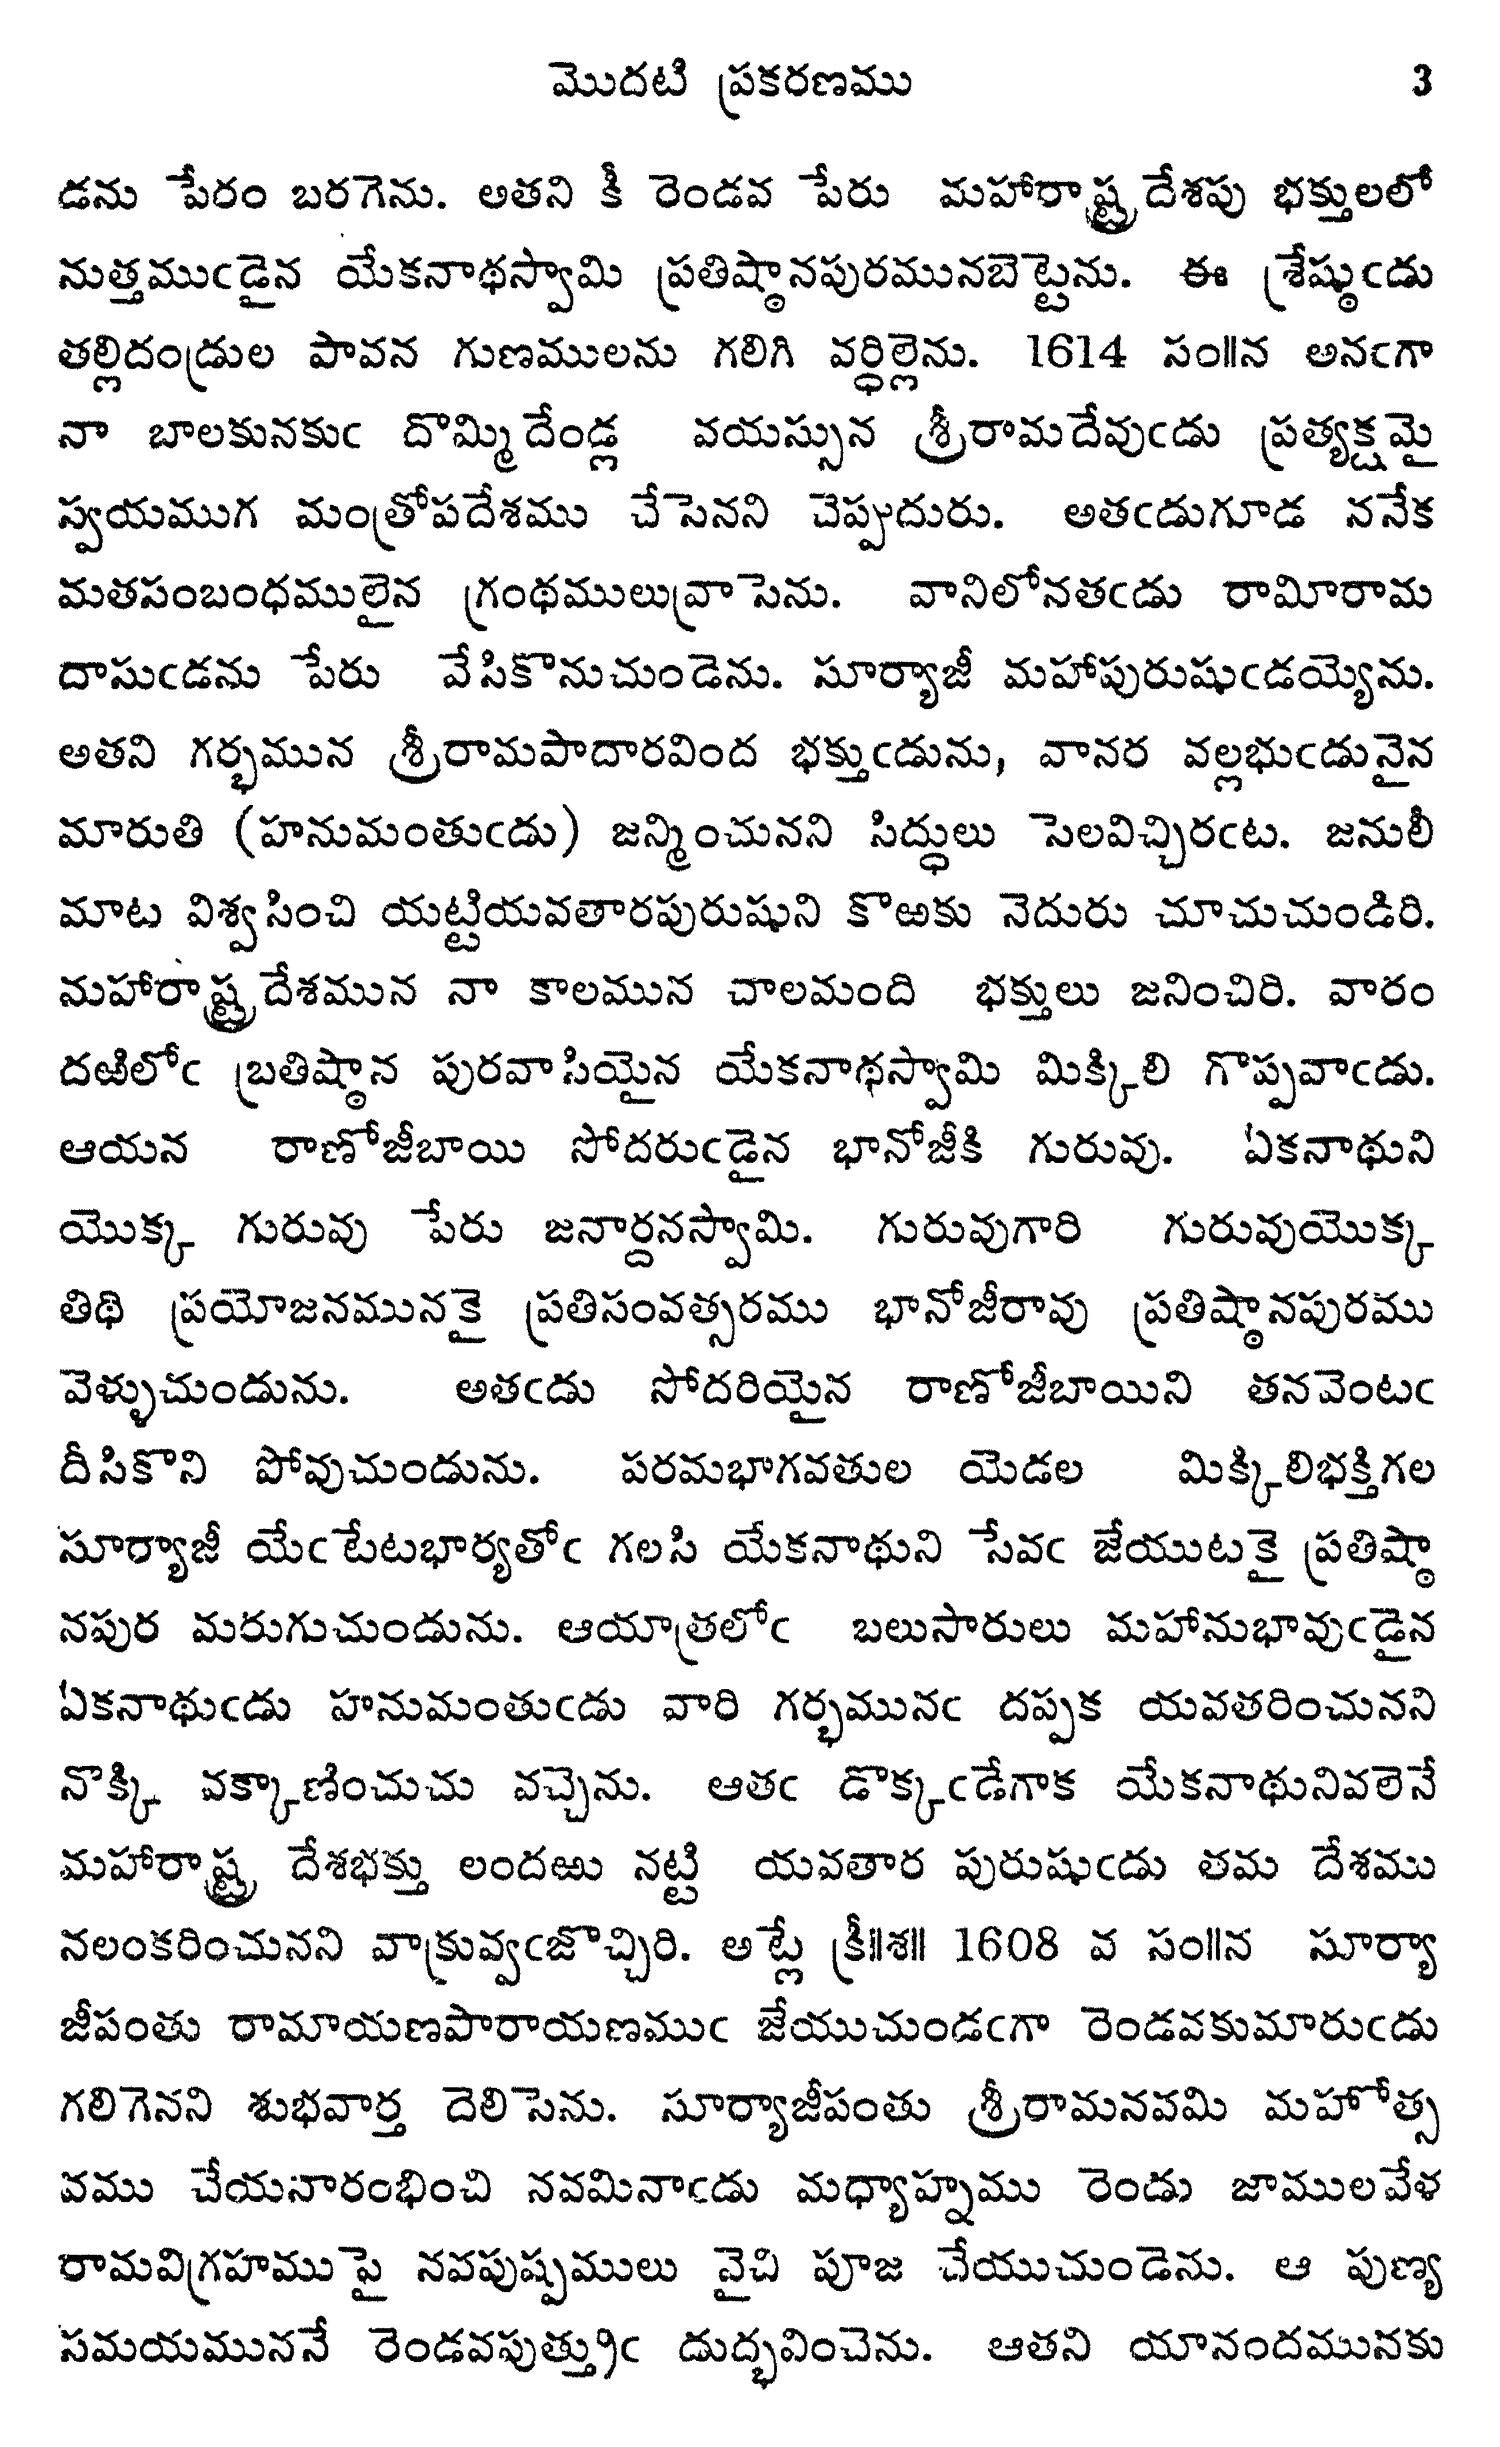డను పేరం బరగెను. అతని కీ రెండవ పేరు మహారాష్ట్ర దేశపు భక్తులలో నుత్తముడైన యేకనాథస్వామి ప్రతిష్ఠానపురమునబెట్తెను. ఈ శ్రేష్ఠుడు తల్లిదండ్రుల పావన గుణములను గలిగి వర్దిల్లెను. 1614 సం||న అనగా నా బాలకునకు దొమిదేండ్ల వయస్సున శ్రీరామదేవుడు ప్రత్యక్షమై స్వయముగ మంత్రోపదేశము చేసెనని చెప్పుదురు. అతడుగూడ ననేక మతసంబంధములైన గ్రంథములువ్రాసెను. వానిలోనతడు రామీరామదాసుడను పేరు వేసికొనుచుండెను. సూర్యాజీ మహాపురుషుడయ్యెను. అతని గర్భమున శ్రీరామపాదారవింద భక్తుడను, వానర వల్లభుడునైన మారుతి (హనుమంతుడు) జన్మించునని సిద్ధులు సెలవిచ్చిరట. జనులీ మాట విశ్వసించి యట్టియవతారపురుషుని కొఱకు నెదురు చూచుచుండిరి. మహారాష్ట్రదేశమున నా కాలమున చాలమంది భక్తులు జనించిరి. వారందఱిలొ బ్రతిష్ఠాన పురవాసియైన యేకనాథస్వామి మిక్కిలి గొప్పవాడు. ఆయన రాణోజీబాయి సోదరుడైన భానోజీకి గురువు. ఏకనాథుని యొక్క గురువు పేరు జనార్దనస్వామి. గురువుగారి గురువుయొక్క తిథి ప్రయోజనమునకై ప్రతిసంవత్సరము భానీజీరావు ప్రతిష్ఠానపురము వెళ్ళుచుండును. అతడు సోదరియైన రాణోజీబాయిని తనవెంట దీసికొని పోవుచుండును. పరమభాగవతుల యెడల మిక్కిలిభక్తిగల సూర్యాజీ యేటేటభార్యతో గలసి యేకనాథుని సేవ జేయుటకై ప్రతిష్ఠానపుర మరుగుచుండును. ఆయాత్రలో బలుసారులు మహానుభావుడైన ఏకనాథుడు హనుమంతుడు వారి గర్భమున దప్పక యవతరించునని నొక్కి వక్కాణించుచు వచ్చెను. ఆత డొక్కడేగాక యేకనాథునివలెనే మహారాష్ట్ర దేశభక్తు లందఱు నట్టి యవతార పురుషుడు తమ దేశము నలంకరించునని వాక్రువ్వజొచ్చిరి. అట్లే క్రీ.శ. 1608 వ సం.న సూర్యాజీవంతు రామాయణపారాయణము జేయుచుండగా రెండవకుమారుడు గలిగెనని శుభవార్త దెలిసెను. సూర్యాజీవంతు శ్రీరామనవమి మహోత్సవము చేయనారంభించి నవమినాడు మధ్యాహ్నము రెండు జాములవేళ రామవిగ్రహముపై నవపుష్పములు వైచి పూజ చేయుచుండెను. ఆ పుణ్య సమయముననే రెండవపుత్రు డుద్భవించెను. అతని యానందమునకు